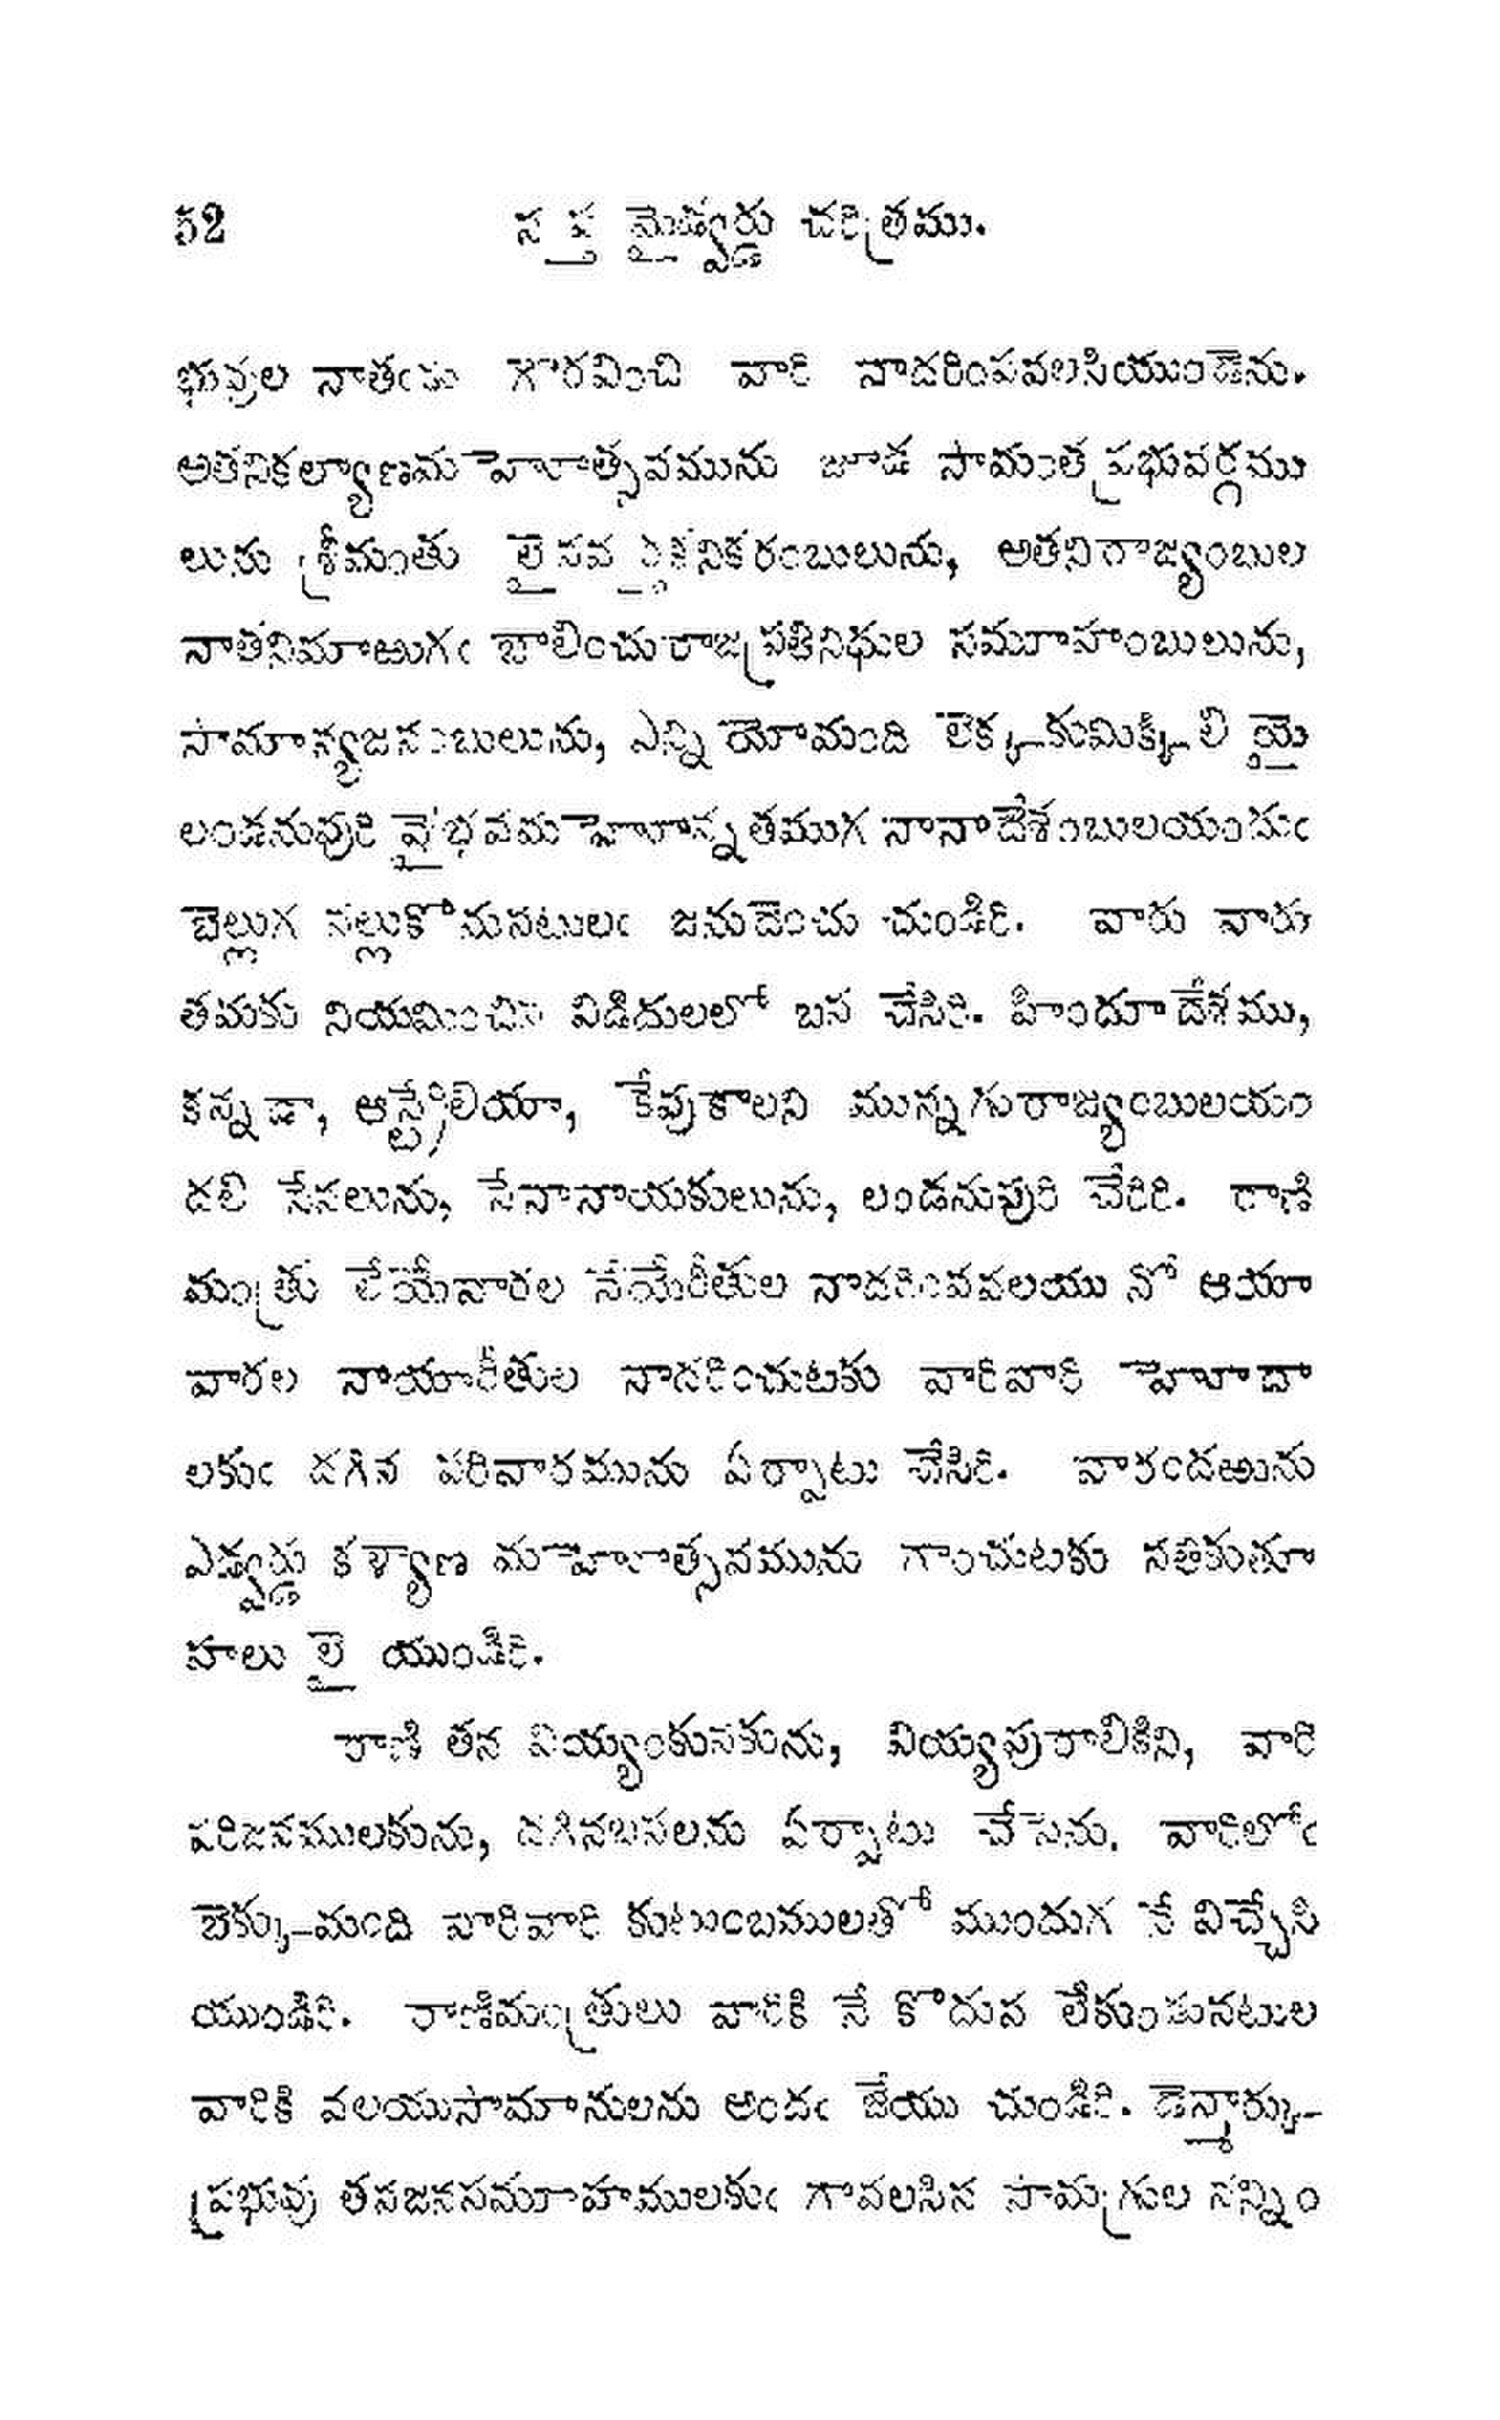భువుల నాతడు గౌరవించి వారి నాదరింప వలసి యుండెను.అతని కల్యాణమ ఘోత్సవమును జూడ సాముత ప్రభువర్గములును శ్రీమంతులై నవ కనికరంబులును, అతని రాజ్యంబు
నాతని మాటుగఁ జాలించు రాజు ప్రతి నిధుల సమూహంబులును,సామాన్య జనంబులును, ఎన్ని యోమంది "లెక్క కుమిక్కిలి యై లండనువురి వైభవము హెన్నతముగ నానాదేశంబులయందు
బెల్లుగ సల్లుకోనునటులం జనుదెంచు చుండిరి. వారు వారు తమకు నియమించి విడిదులలో బస చేసిరి.. హిందూదేశము, కన్నడా, ఆస్ట్రేలియా, కేవు కాలని మున్నగు రాజ్యంబులయం
దలి సేనలును, సేనానాయకులును, లండను పురికి చేరిరి. రాణీ మంత్రులే యేవారల యేరీతుల నాదరింప వలయునో ఆయావారల నాయారీతుల నాదరించుటకు వారివారి హోదా
లకుఁ దగిన పరివారమును ఏర్పాటు చేసిరి. 'వారందరునుఎడ్వర్డు కళ్యాణ మహోత్సవమును గాంచుటకు సతికుతూహలులై యుండిరి,

రాణి తన వియ్యంకునకును, వియ్యపురాలికిని, వారిపరిజనములకును, దిగిన బసలను ఏర్పాటు చేసెను. వారిలోబెక్కు మంది వారి వారి కుటుంబములతో ముందుగ " విచ్చేసి యుండిరి. రాణి మంత్రులు వారికి నే కోదువ లేకుండునటుల వారికి వలయు సామానులను ఆంద జేయు చుండిరి. . డెన్మార్కు- ప్రభువు తసజన సమూహములకుఁ గావలసిన సామగ్రుల సన్నిం